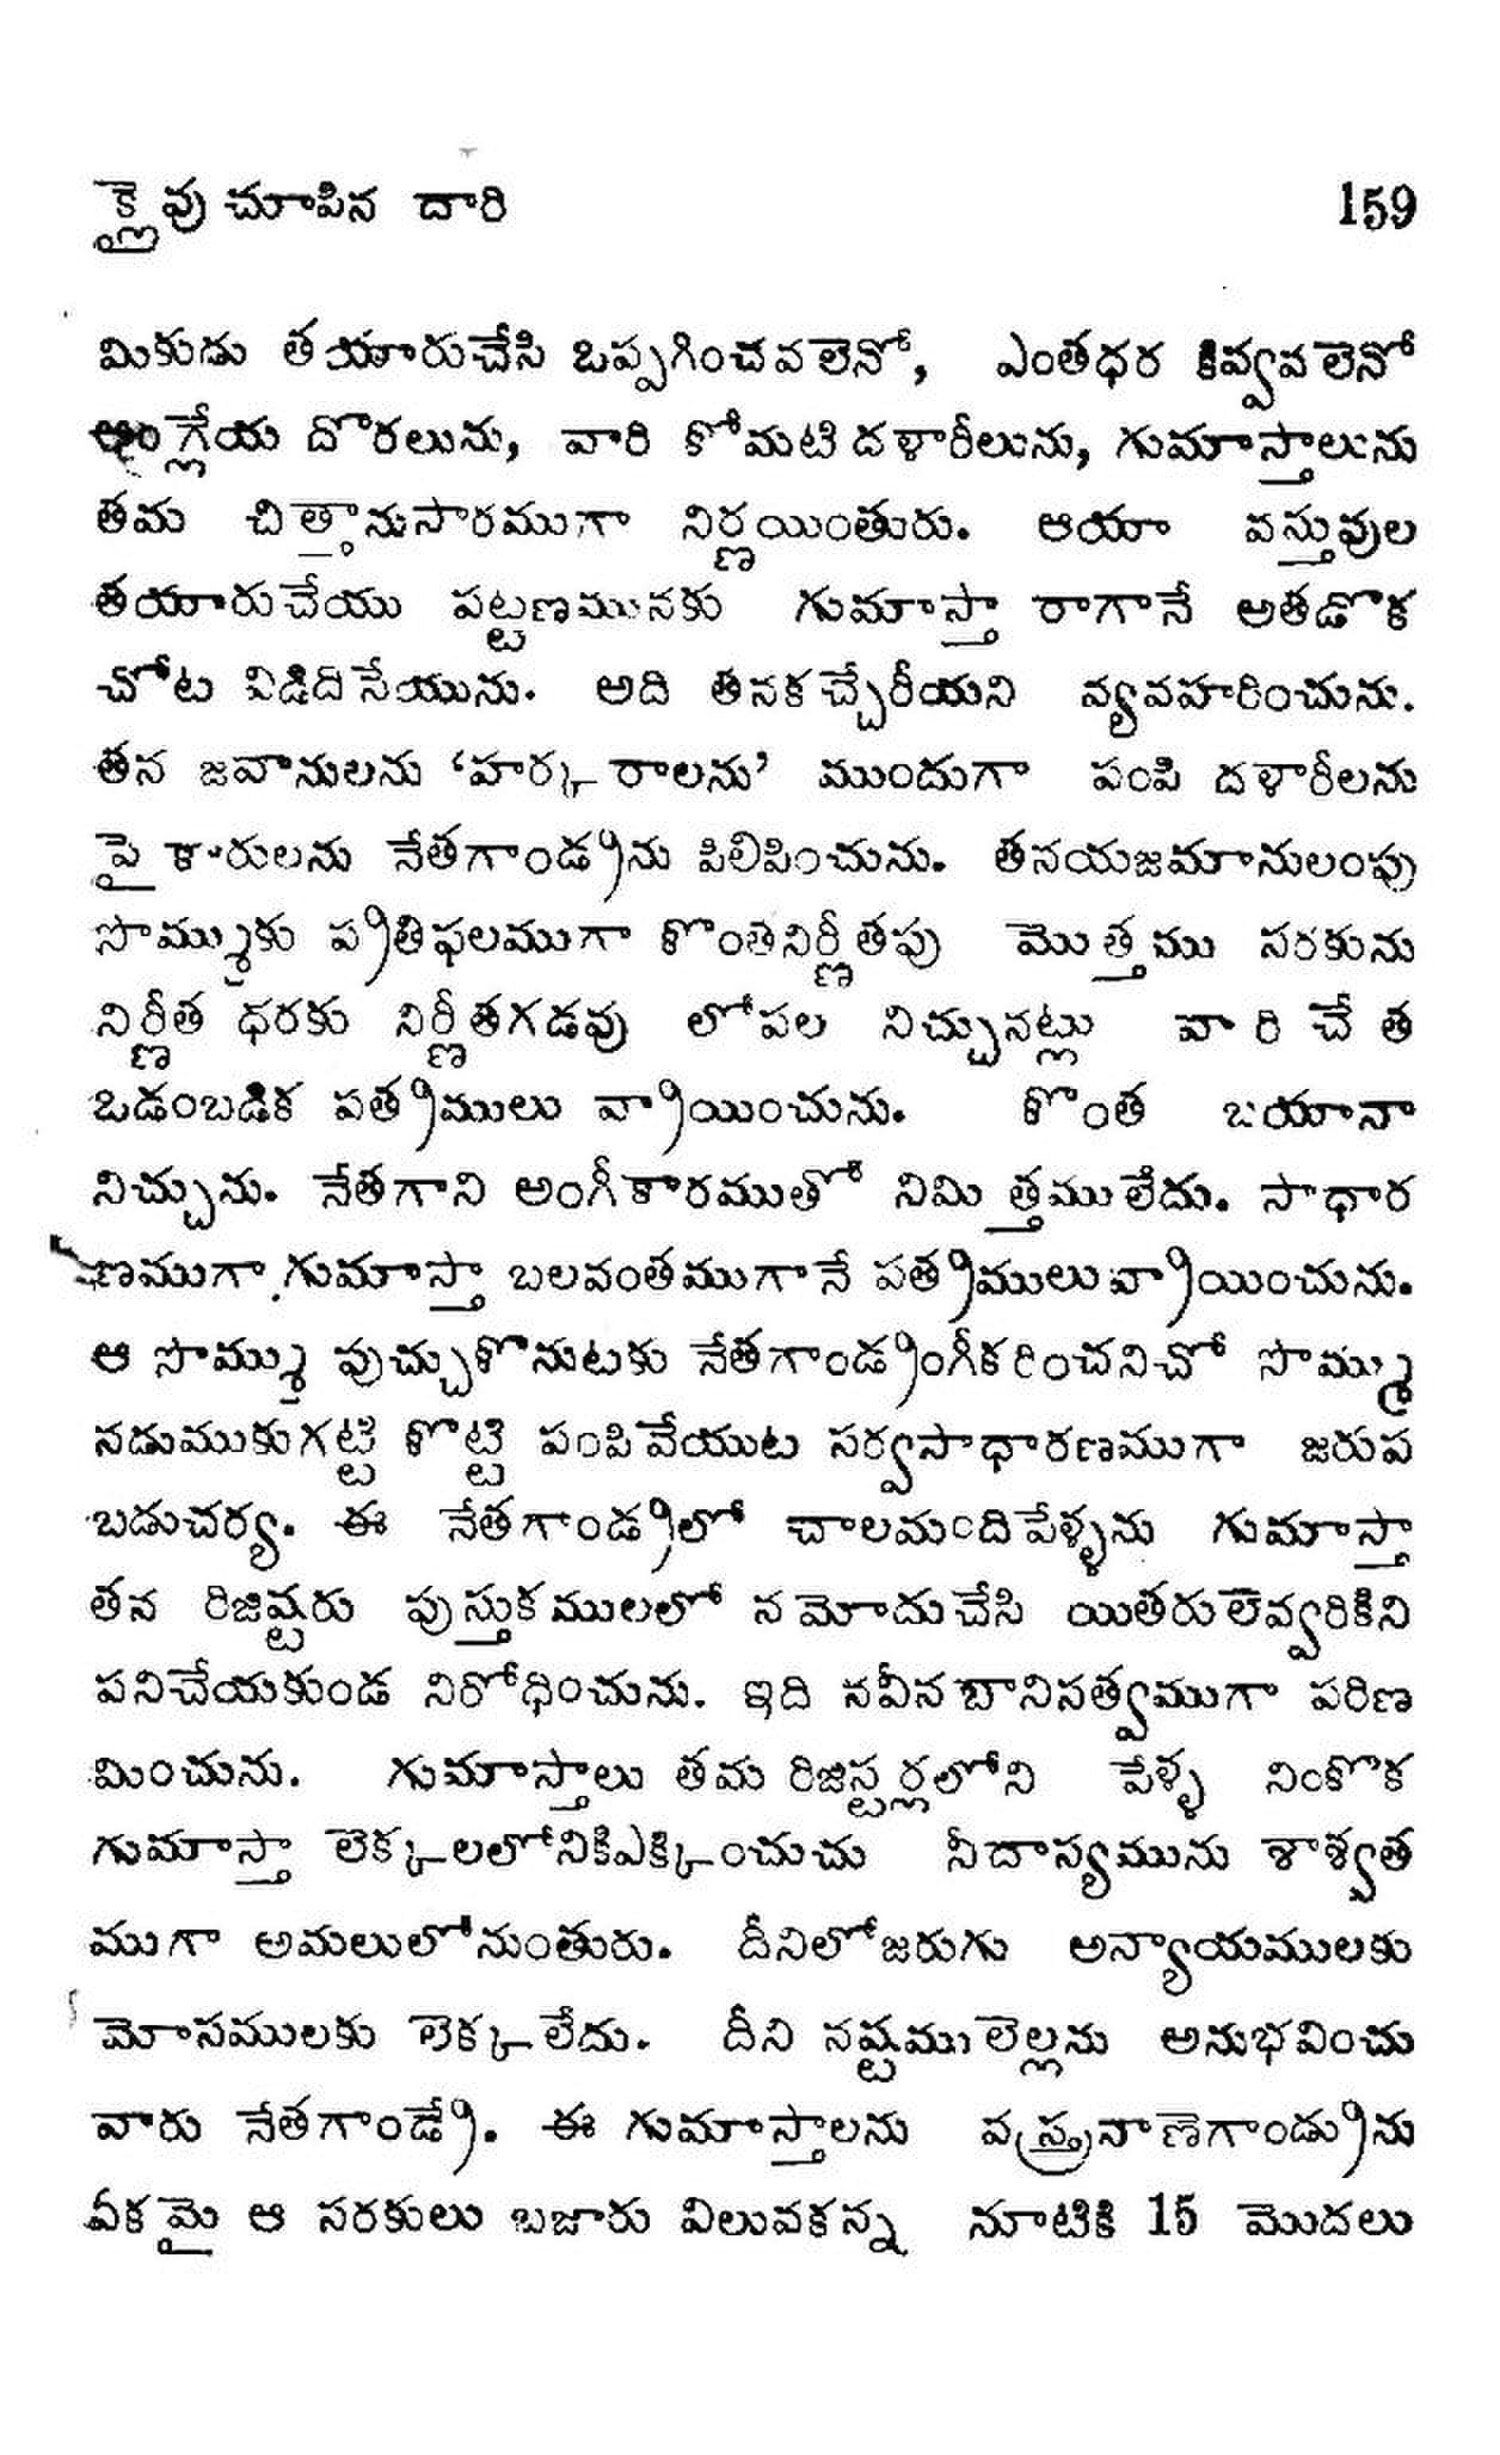మికుడు తయారుచేసి ఒప్పగించవలెనో, ఎంతధర కివ్వవలెనో ఆంగ్లేయ దొరలును, వారి కోమటి దళారీలును, గుమాస్తాలును తమ చిత్తానుసారముగా నిర్ణయింతురు. ఆయా వస్తువుల తయారుచేయు పట్టణమునకు గుమాస్తా రాగానే అతడొకచోట విడిదిసేయును. అది తనకచ్చేరీయని వ్యవహరించును. తన జవానులను 'హర్క రాలను' ముందుగా పంపి దళారీలను పై కారులను నేతగాండ్రను పిలిపించును. తనయజమానులంపు సొమ్ముకు ప్రతిఫలముగా కొంతనిర్ణీతపు మొత్తము సరకును నిర్ణీత ధరకు నిర్ణీతగడవు లోపల నిచ్చునట్లు వారిచేత ఒడంబడిక పత్రములు వ్రాయించును. కొంత బయానా నిచ్చును. నేతగాని అంగీకారముతో నిమిత్తములేదు. సాధారణముగా గుమాస్తా బలవంతముగానే పత్రములు వ్రాయించును. ఆ సొమ్ము వుచ్చుకొనుటకు నేతగాండ్రంగీకరించనిచో సొమ్ము నడుముకుగట్టి కొట్టి పంపివేయుట సర్వసాధారణముగా జరుపబడుచర్య. ఈ నేతగాండ్రలో చాలమందిపేళ్ళను గుమాస్తా తన రిజిష్టరు పుస్తుకములలో నమోదుచేసి యితరులెవ్వరికిని పనిచేయకుండ నిరోధించును. ఇది నవీన బానిసత్వముగా పరిణమించును. గుమాస్తాలు తమ రిజిస్టర్లలోని పేళ్ళ నింకొక గుమాస్తా లెక్కలలోనికిఎక్కించుచు నీదాస్యమును శాశ్వతముగా అమలులోనుంతురు. దీనిలో జరుగు అన్యాయములకు మోసములకు లెక్క లేదు. దీని నష్టములెల్లను అనుభవించువారు నేతగాండ్రే. ఈ గుమాస్తాలను వస్త్రనాణెగాండ్రును ఏకమై ఆ సరకులు బజారు విలువకన్న నూటికి 15 మొదలు